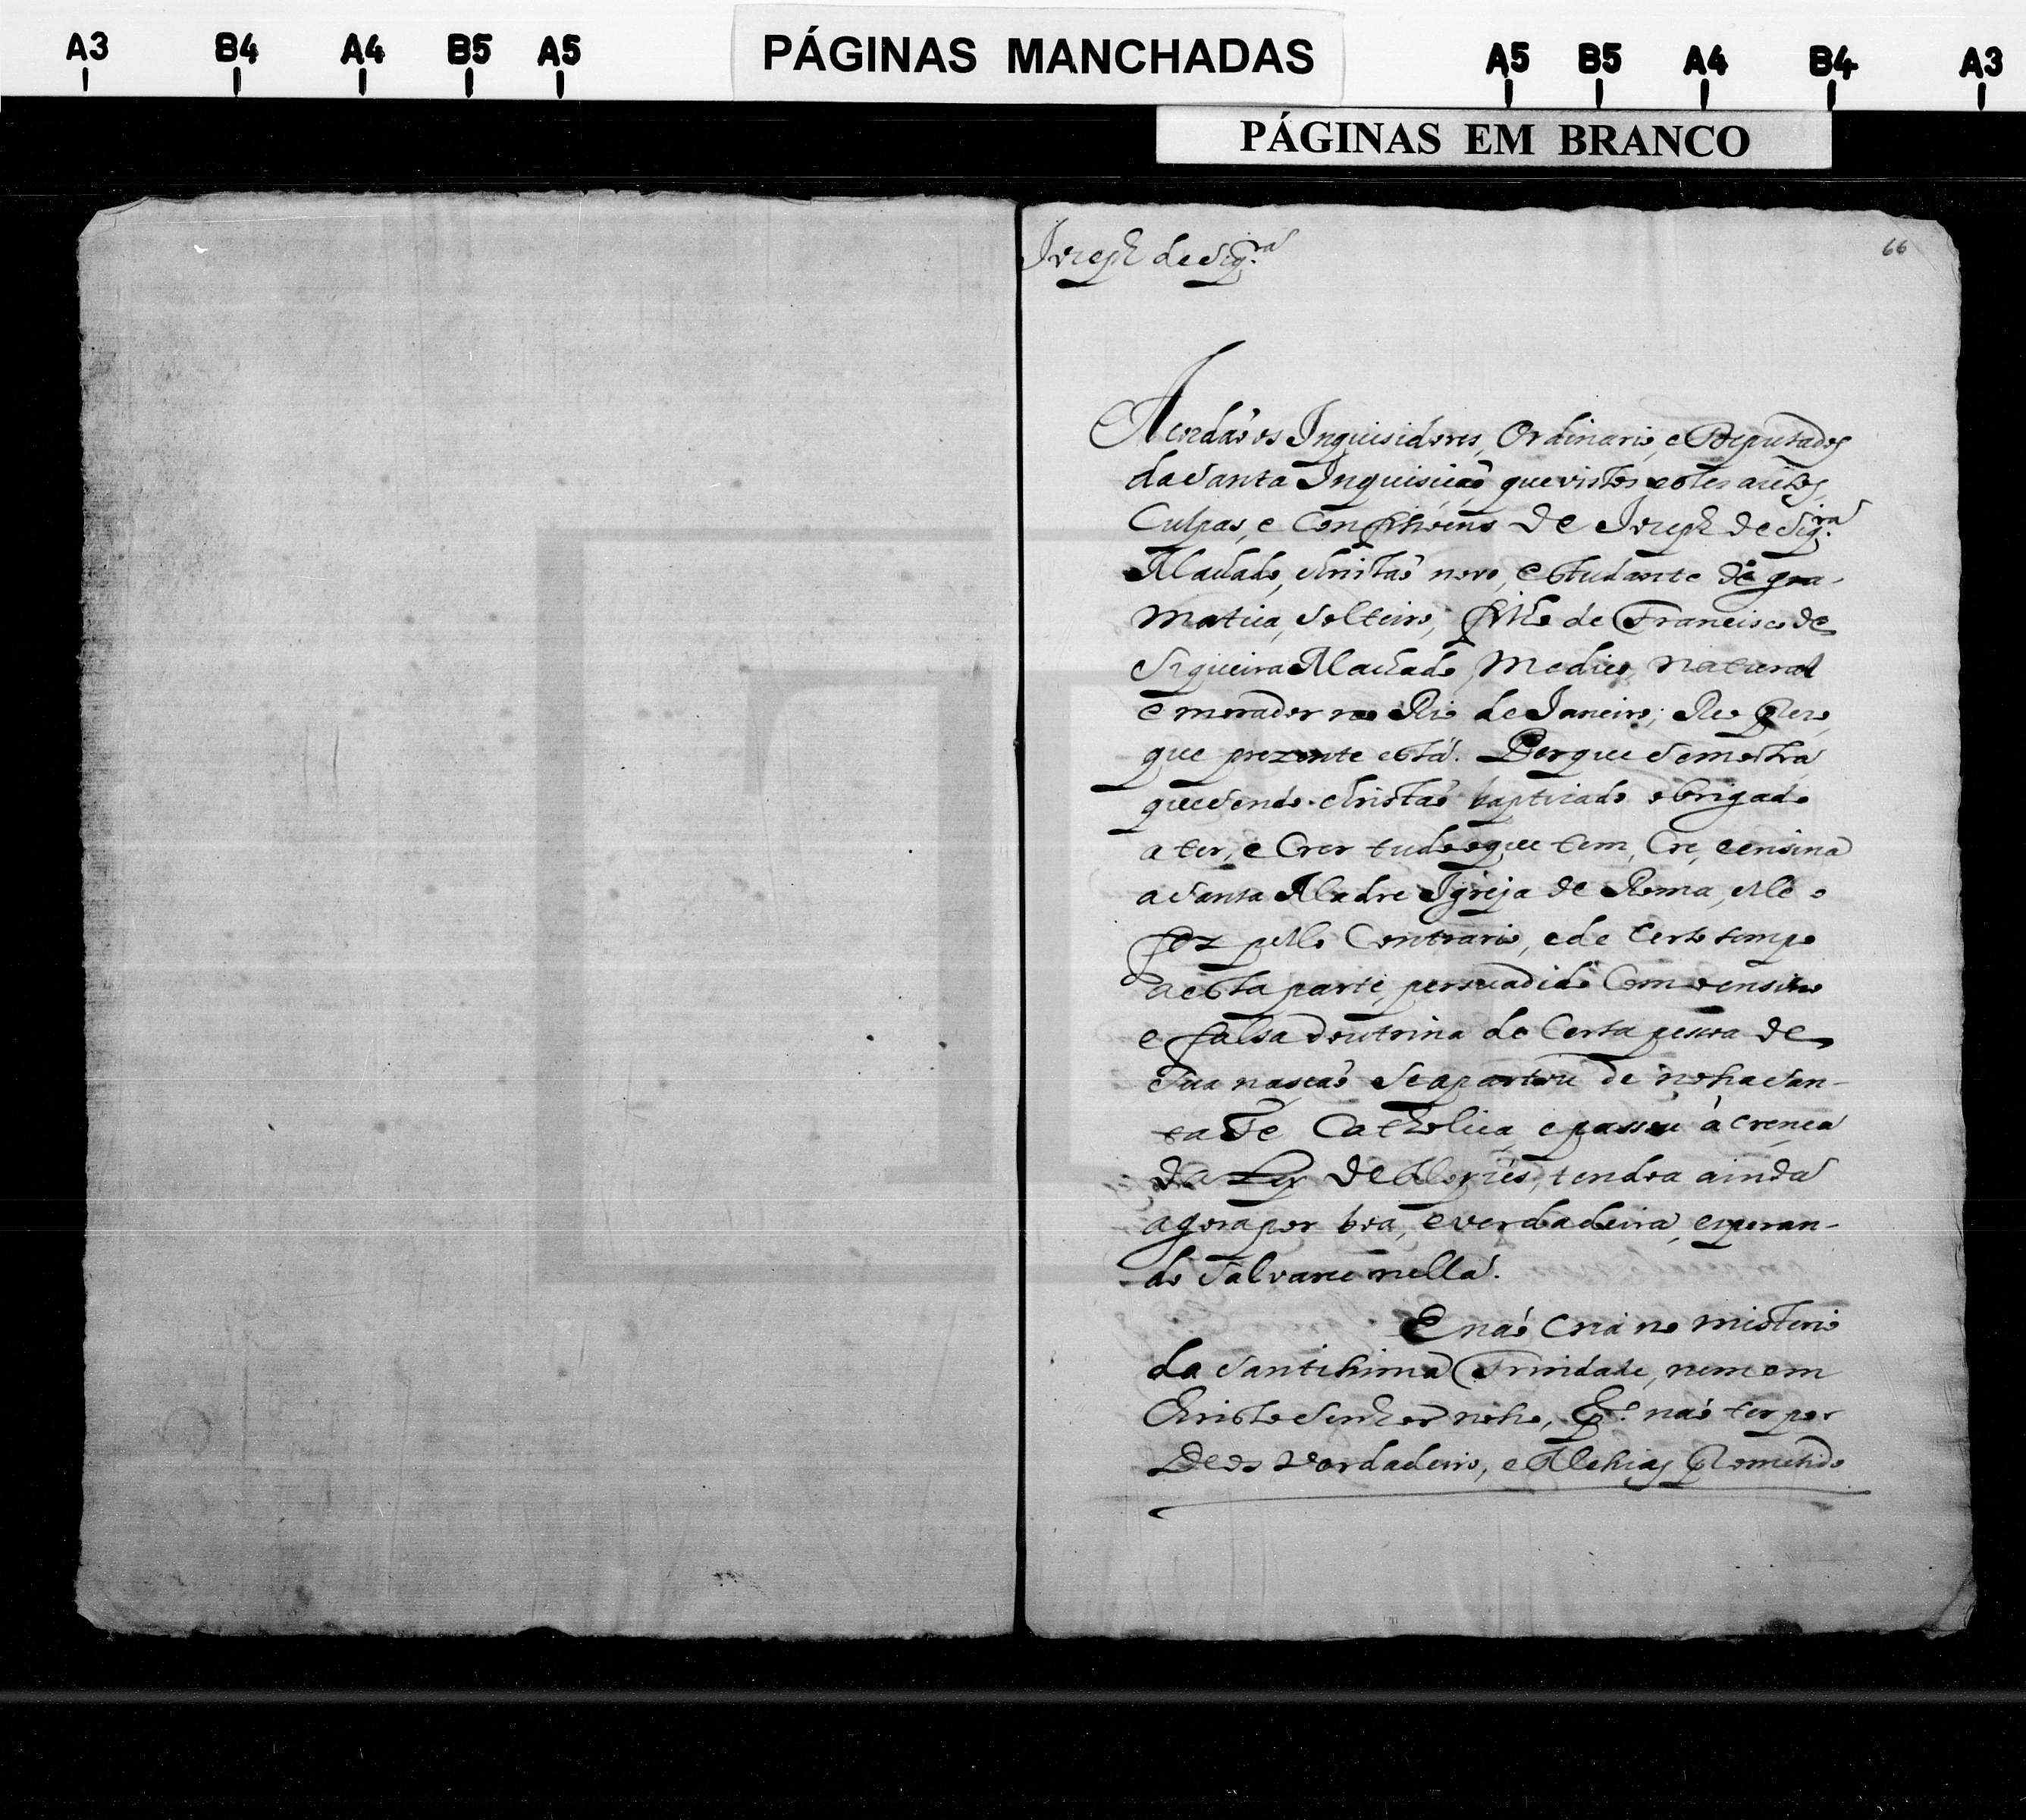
Iozeph de siq.ra
Acordaõ os Inquisidores, Ordinario, e Deputados
da Santa Inquisiçaõ, que vistos estes autos,
Culpas, e Confissoens de Iozeph de Siq.ra
Machado, christaõ novo, estudante de gra
matica, solteiro, filho de Francisco de
Siqueira Machado medico natural
e morador no Rio de Ianeiro, Reo prezo,
que prezente está. Porque se mostra
que sendo cristaõ baptizado obrigado
a ter, e crer tudo o que tem, Cre, e ensina
a santa Madre Igreja de Roma, elle o
fez pello contrario, e de certo tempo
a esta parte, persuadido com o ensino
e falsa doutrina de certa pessoa de
sua nasçaõ se apartou de nossa san
ta Fe Catholica, e passou à crença
da Ley de Moyzés, tendoa ainda
agora por boa, e verdadeira, esperan
do salvarce nella.
E naõ cria no misterio
da santissima Trindade, nem em
christo senhor nosso, p.lo naõ ter por
Deos verdadeiro, e Messias prometido
